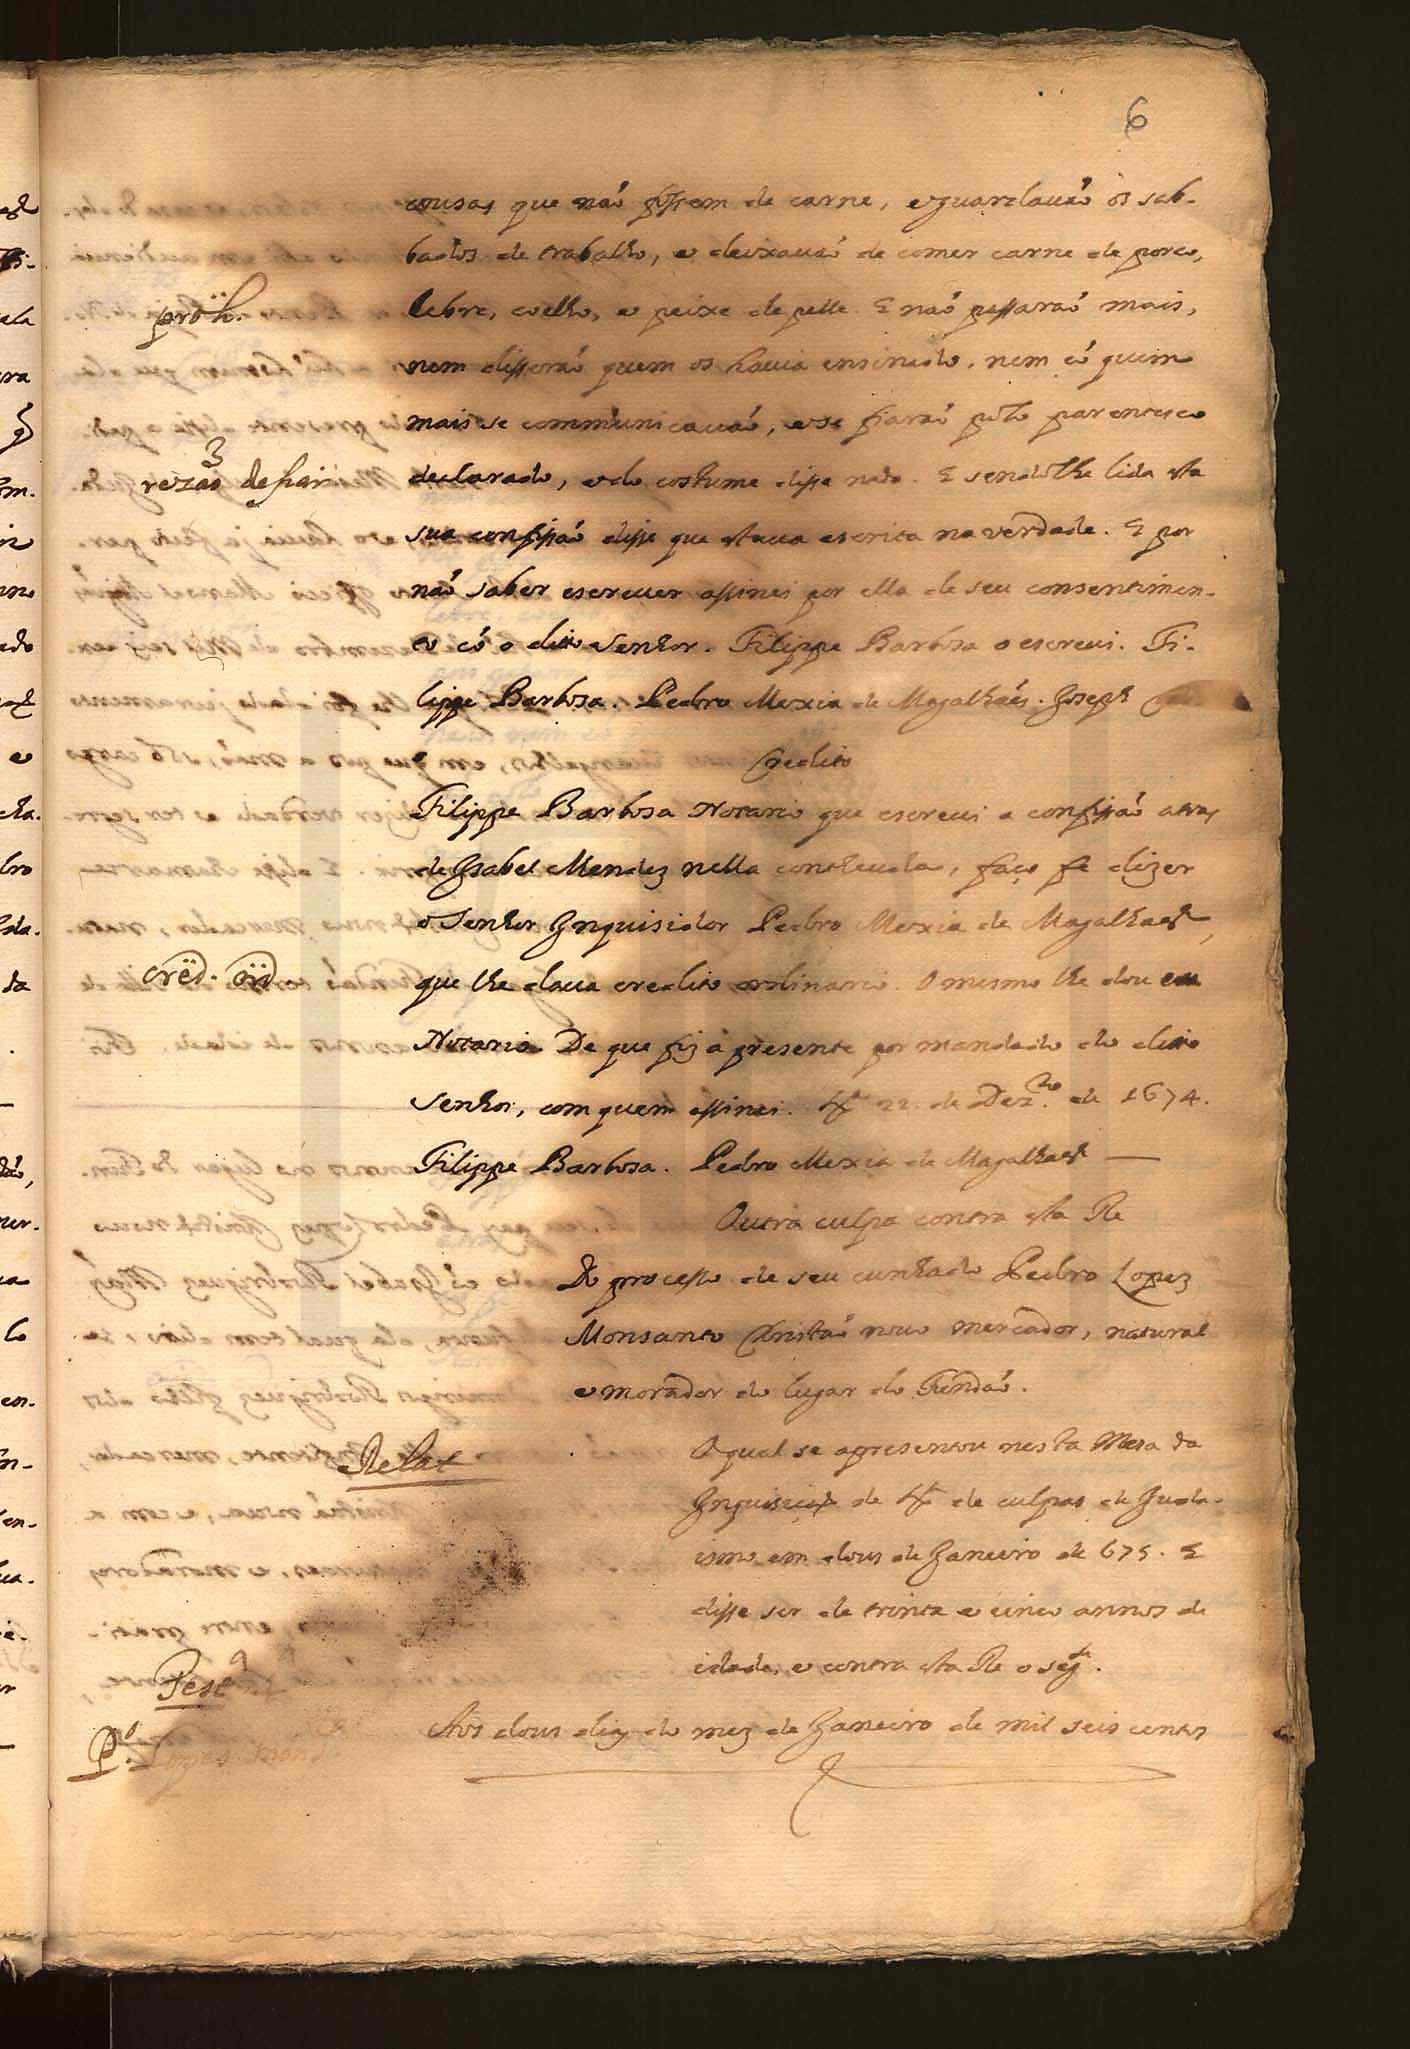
proh.
rezaõ de fiar
cred. ord.
Testa. 4
P.o Lopes monsto.
cousas que naõ fossem de carne, e guardauaõ os sab
bados de trabalho, e deixauaõ de comer carne de porco,
lebre, coelho, e peixe de pelle. E naõ passaraõ mais,
nem disseraõ quem os hauia ensinado, nem cō quem
mais se communicauaõ, e se fiaraõ pelo parentesco
declarado, e do costume disse nada. E sendolhe lida esta
sua confissaõ disse que estaua escrita na verdade. E por
naõ saber escreuer assinei por ella de seu consentimen
to cō o ditto Senhor. Filippe Barboza o escreui. Fi
lippe Barbosa. Pedro Mexia de Magalhaes Joseph C
Credito
Filippe Barbosa Notario que escreui a confissaõ atras
de Jsabel Mendez nella contheuda, faço fe dizer
o senhor Jnquisidor Pedro Mexia de Magalhaẽs,
que lhe daua credito ordinario. O mesmo lhe dou eu
Notario. De que fiz a presente por mandado do ditto
Senhor, com quem assinei. Lxa 22 de Dezr.o de 1674.
Filippe Barbosa. Pedro Mexia de Magalhaẽs
Outra culpa contra esta Re
Do processo de seu cunhado Pedro Lopez
Monsanto Christaõ nouo mercador, natural
e morador do lugar do Fundaõ.
Relat
O qual se apresentou nesta mesa da
Jnquisiçaõ de Lxa de culpas de Juda
ismo em dous de Janeiro de 675. E
disse ser de trinta e cinco annos de
idade, e contra esta Re o segte.
Aos dous dias do mez de Janeiro de mil seiscentos
